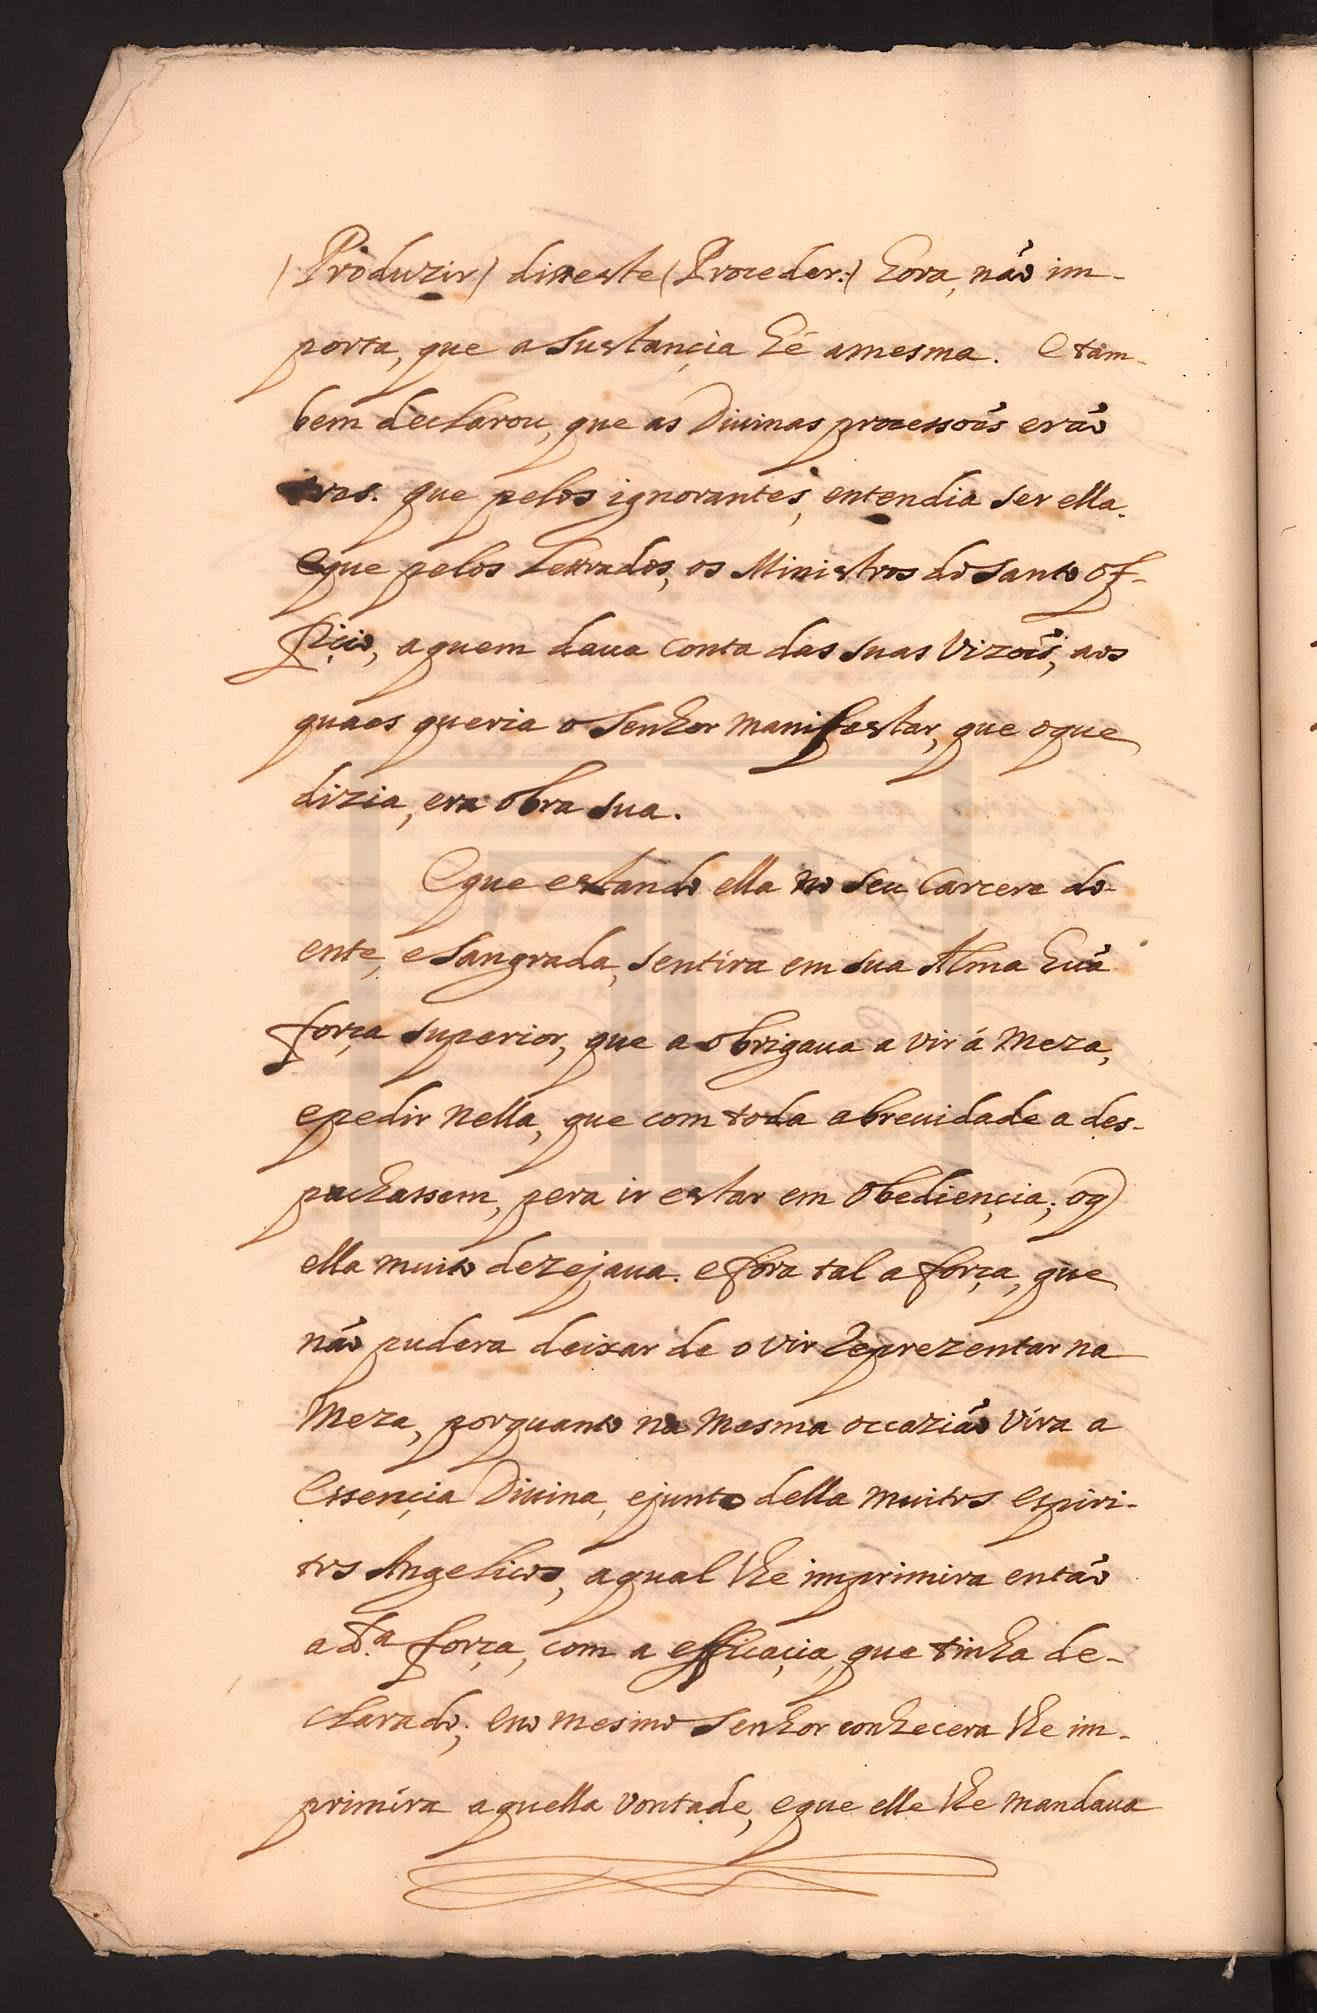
Produzir / disseste / Proceder / hora, não im
porta, que a sustancia hé a mesma. e tam
bem declarou, que as diuinas processoẽs eraõ
tres. que pelos ignorantes, entendia ser ella
e que pelos Lettrados, os Ministros do santo of
ficio, a quem daua conta das suas vizoẽs, aos
quaes queria o Senhor manifestar, que o que
dizia, era obra sua.
E que estando ella no seu carcere do
ente, e sangrada, sentira em sua Alma huā
força superior, que a obrigaua a vir á Meza,
e pedir nella, que com toda a breuidade a des
pachassem, pera ir estar em obediencia, o q̄
ella muito dezejaua. e fora tal a força, que
naõ pudera deixar de o vir Reprezentar na
Meza, porquanto na mesma occaziaõ vira a
essencia Divina, e junto della muitos espiri
tos Angelicos, a qual lhe imprimira entaõ
a d̄.a força, com a efficacia, que tinha de
clarado, e no mesmo senhor conhecera lhe im
primira aquella vontade, e que elle lhe mandaua
